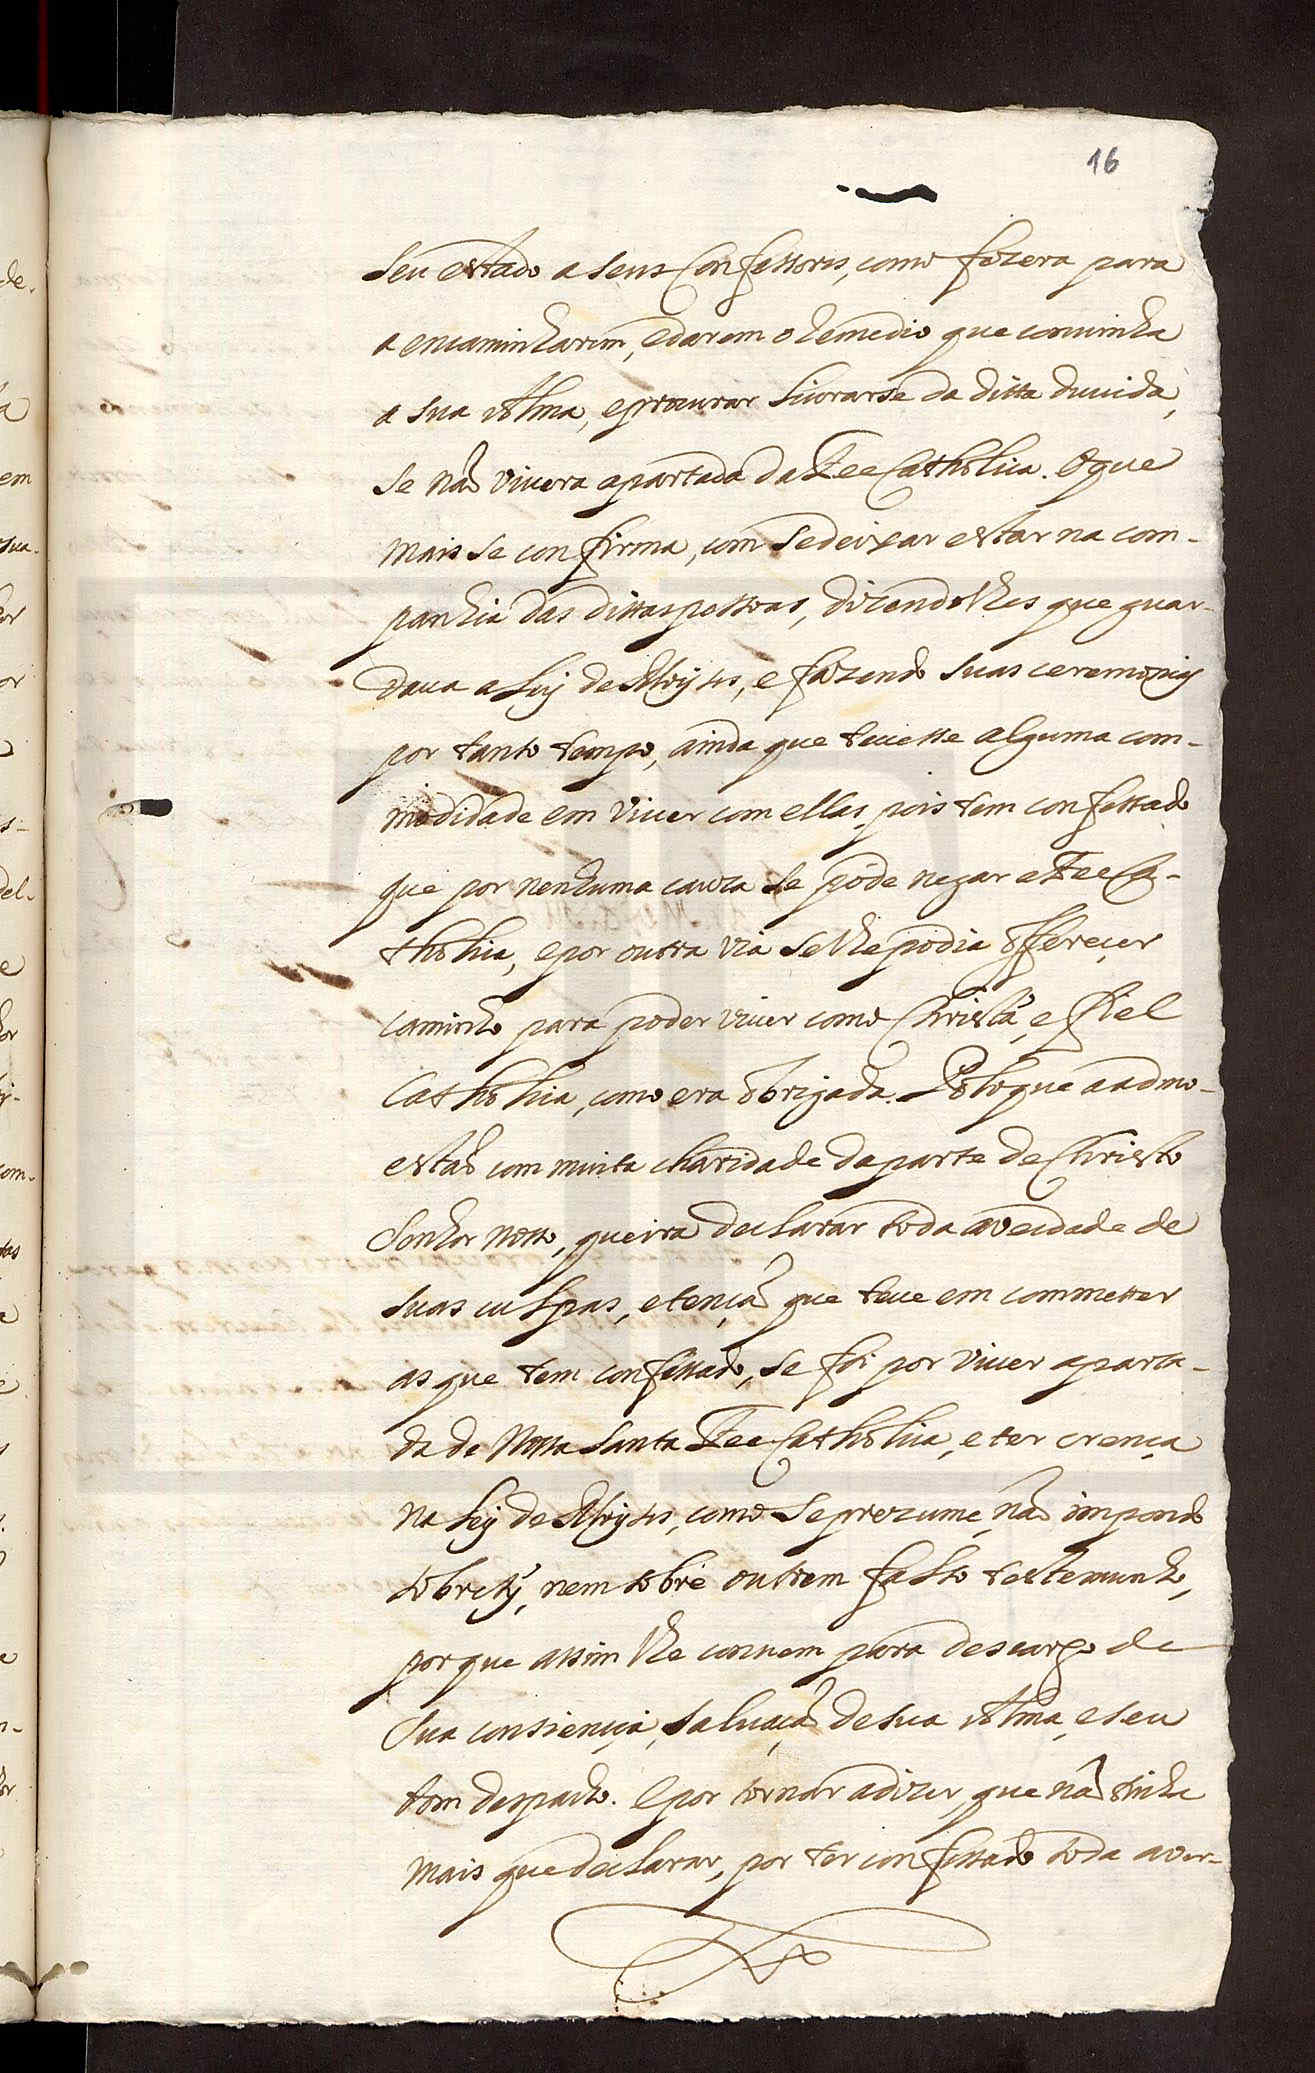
Seu estado a seus Confessores, como fazem para
a encaminharem, e darem o Remedio que conuinha
a sua Alma, e procurar Liurarse da ditta duuida,
se não viuera apartada da Fee Catholica. O que
mais se confirma, com se deixar estar na com
panhia das dittas pessoas, dizendolhes que guar
daua a Ley de Moyses, e fazendo suas ceremonias
por tanto tempo, ainda que teuesse alguma com
modidade em viuer com ellas, pois tem confessado
que por nenhuma cauza se pode negar a Fee Ca
tholica, e por outra via se lhe podia offerecer
caminho para poder viuer como Christã, e fiel
Catholica, como era obrigada. Polo que a admo
estaõ com muita charidade da parte de Christo
Senhor nosso, queira declarar toda a verdade de
suas culpas, e tenção que teue em commetter
as que tem confessado, se foi por viuer aparta
da de Nossa santa Fee Catholica, e ter crença
na Ley de Moyses, como se prezume, naõ impondo
sobre sy, nem sobre outrem falso testemunho,
por que assim lhe convem para descargo de
Sua consiencia, salvaçaõ de sua Alma, e seu
bom despacho. E por tornar a dizer, que naõ tinha
mais que declarar, por ter confessado toda a ver
